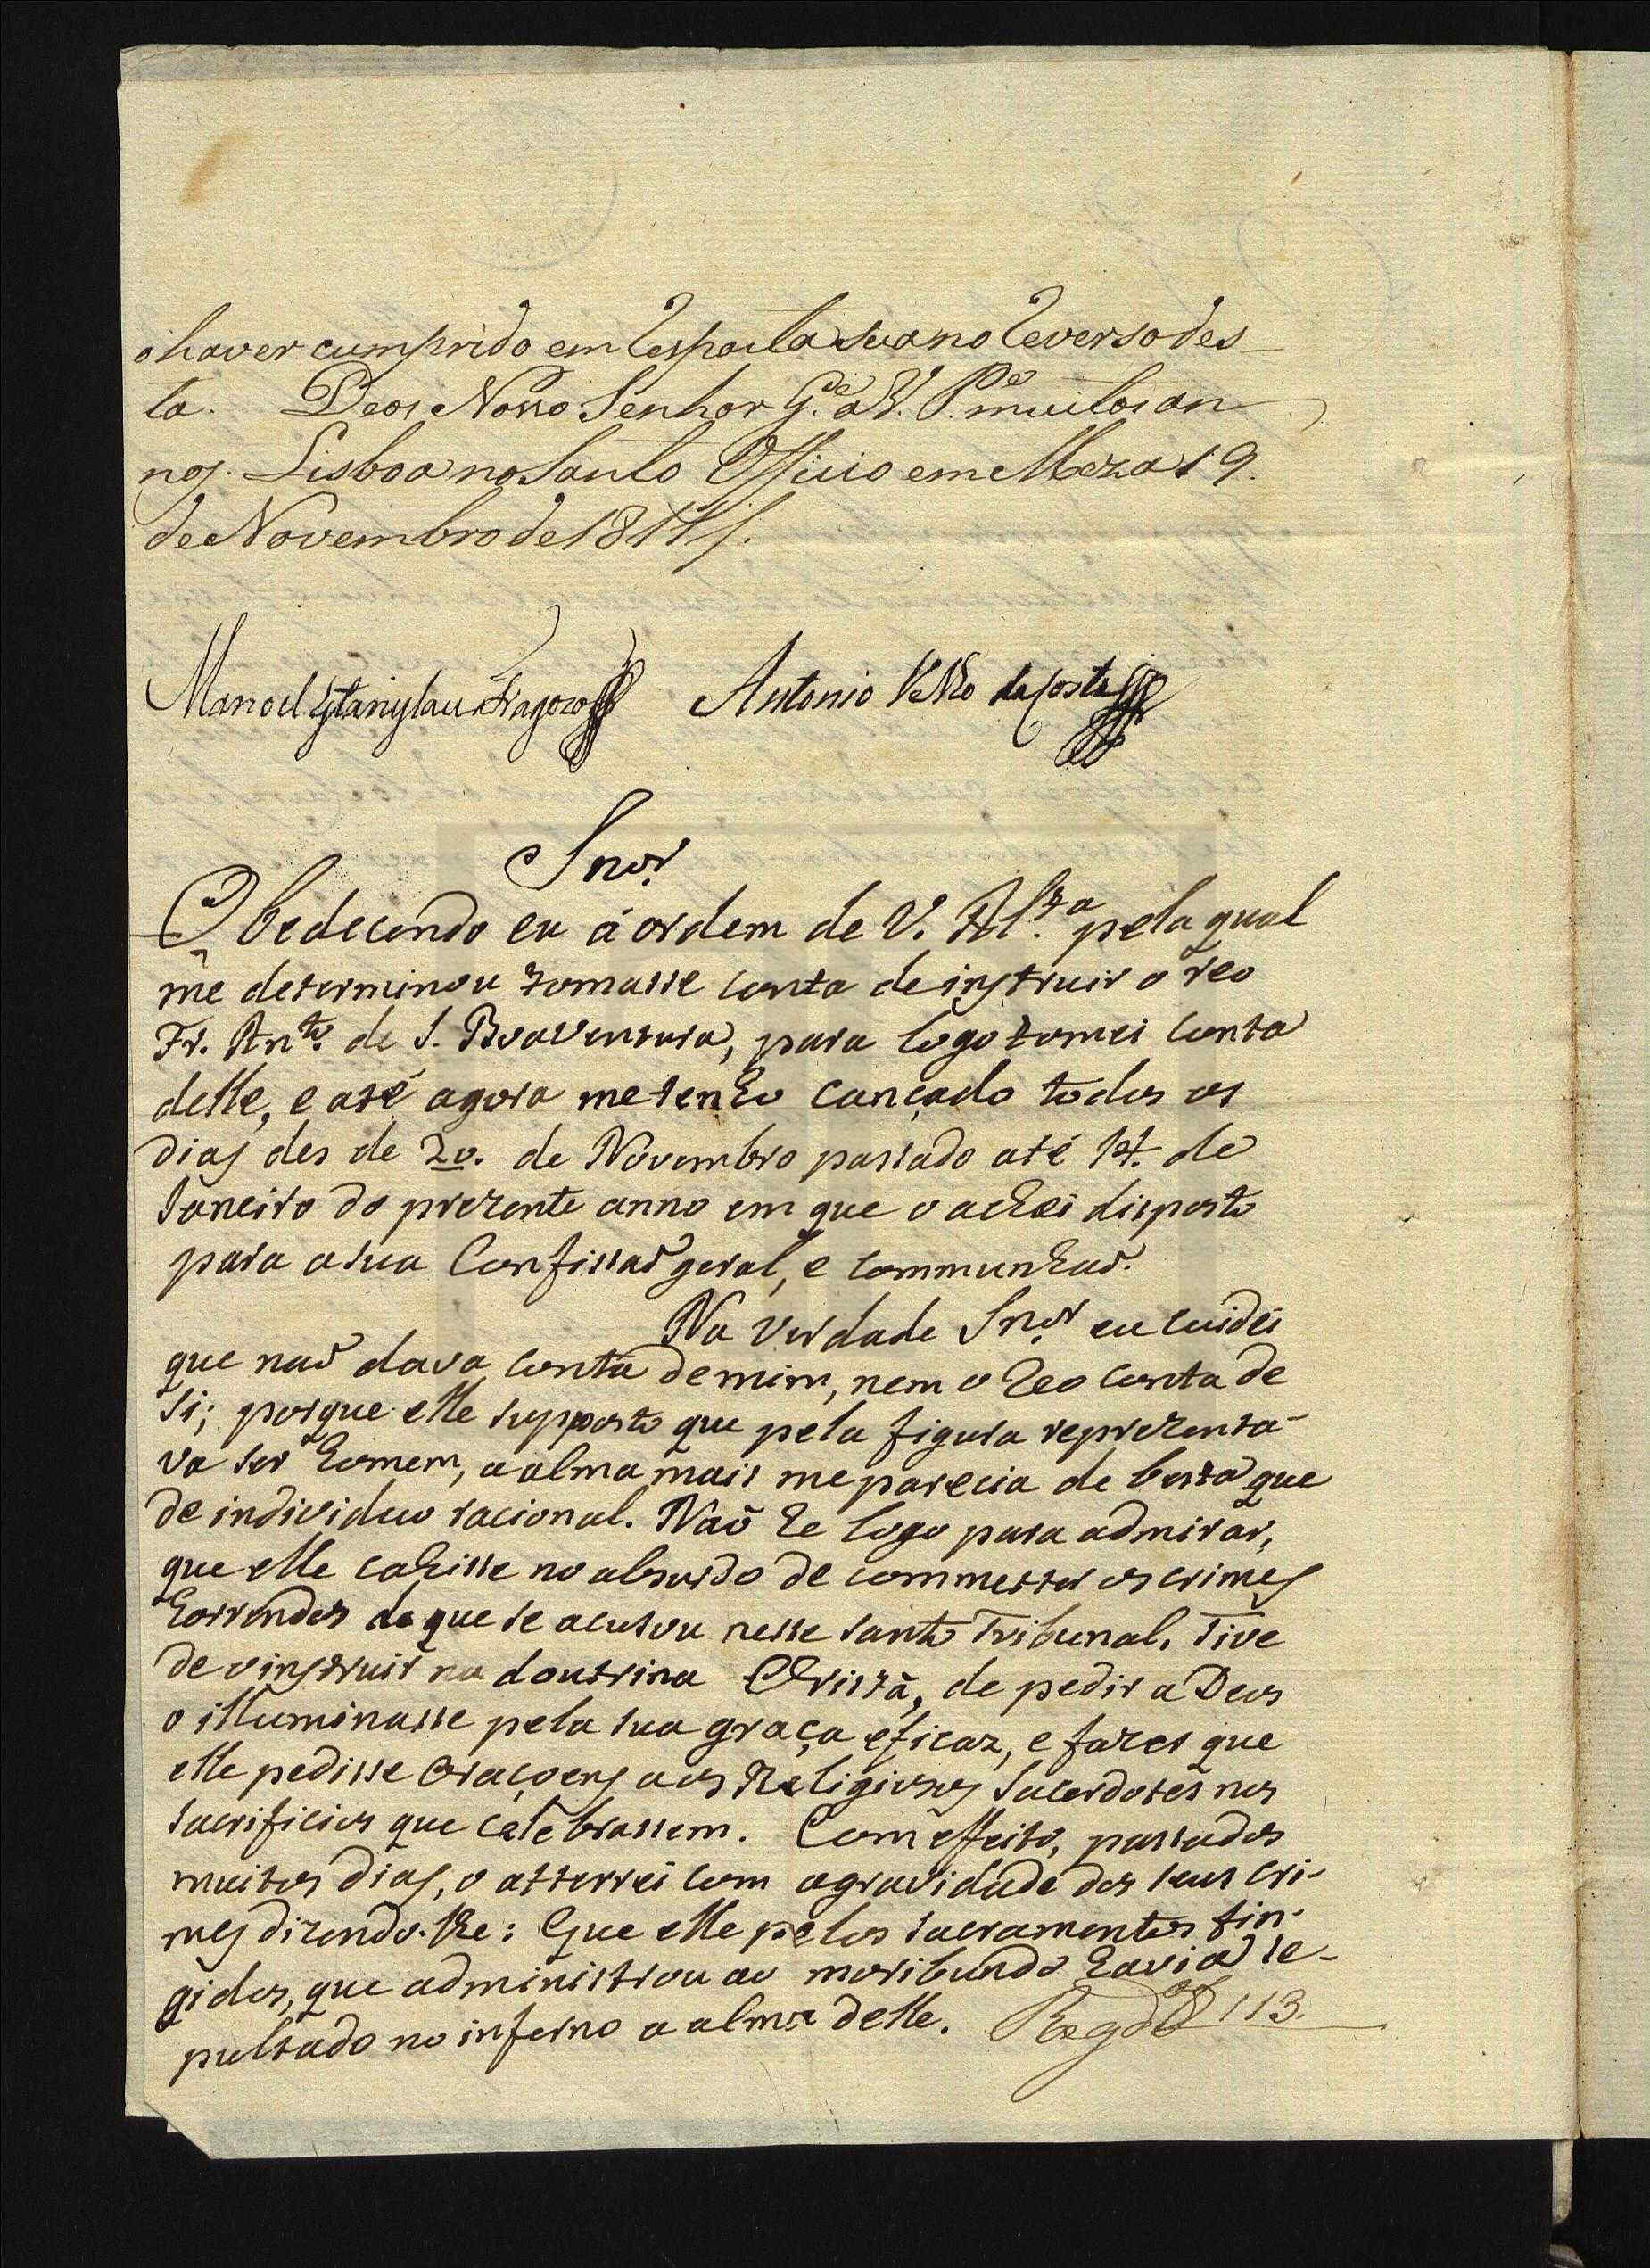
o haver cumprido em Resposta sua no Reverso des
ta. Deos Nosso Senhor G.e a V. P.e muitos an
nos. Lisboa no Santo Officio em Meza 19
de Novembro de 1811/.
Manoel Estanislau Fragozo Antonio Velho da Costa
Sn.or
Obedecendo eu á ordem de V. Al.ta pela qual
me determinou tomasse conta de instruir o reo
Fr. An.to de S. Boaventura, para logo tomei conta
delle, e até agora me tenho cançado todos os
dias desde 20. de Novembro passado até 14. de
Ianeiro do prezente anno em que o achei disposto
para a sua Confissaõ geral, e communhaõ.
Na verdade Sn.or eu cuidei
que naõ dava conta de mim, nem o Reo conta de
si; porque elle supposto que pela figura reprezenta
va ser homem, a alma mais me parecia de besta que
de individuo racional. Naõ he logo para admirar,
que elle cahisse no absurdo de commetter os crimes
horrendos de que se acusou nesse santo Tribunal. Tive
de o instruir na doutrina Christã, de pedir a Deos
o illuminasse pela sua graça eficaz, e fazer que
elle pedisse oraçoens aos Religiozos Sacerdotes nos
sacrificios que celebrassem. Com effeito, passados
muitos dias, o atterrei com a gravidade dos seus cri
mes dizendo-lhe: Que elle pelos sacramentos fin
gidos, que administrou ao moribundo havia se
pultado no inferno a alma delle. Regd.o f 113.
